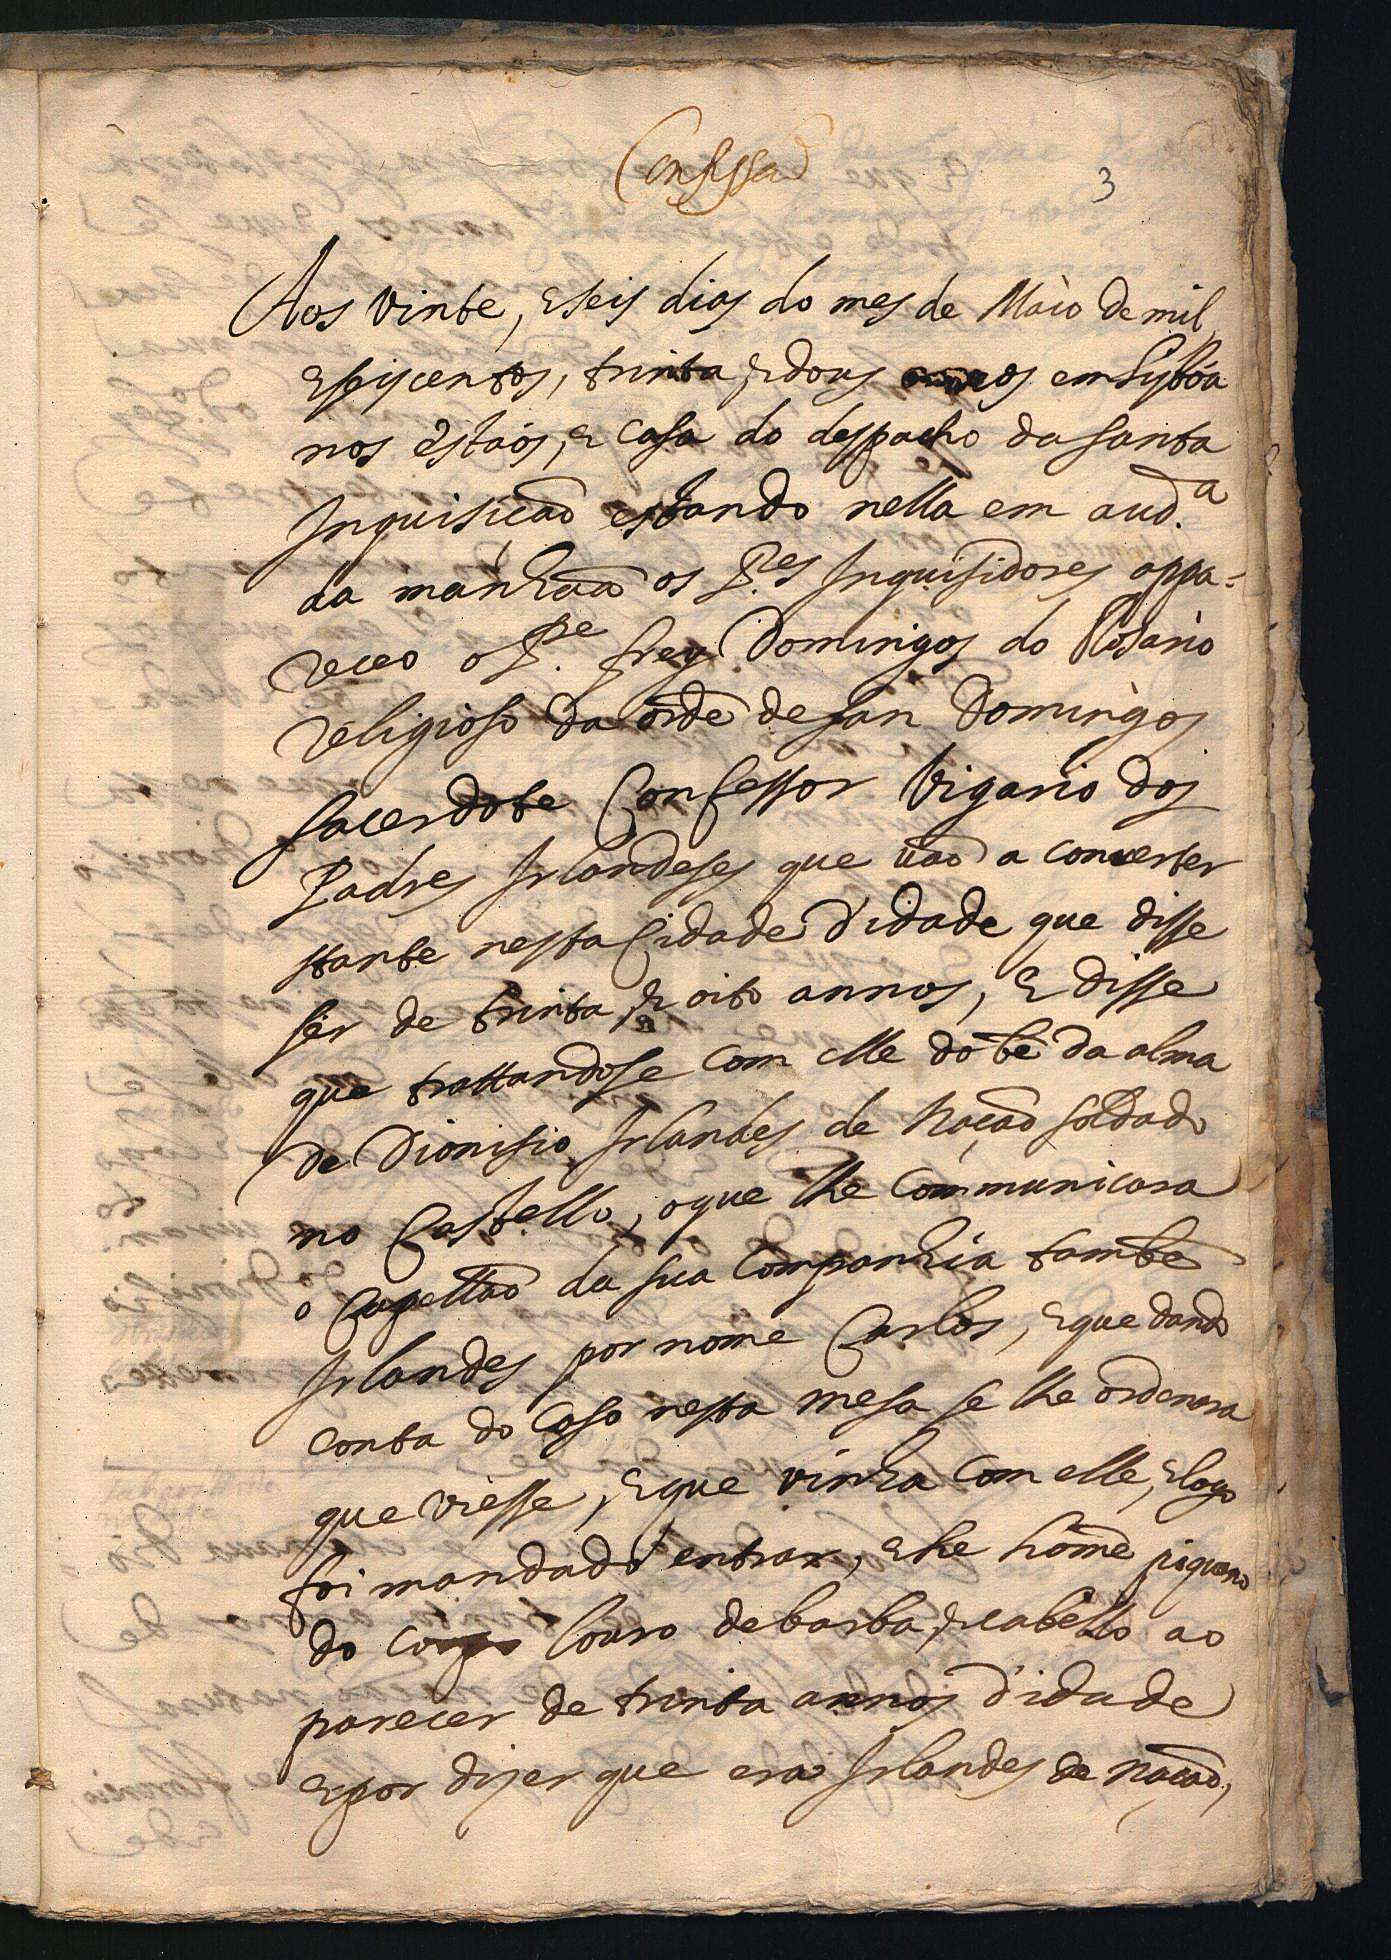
Confissaõ
Aos vinte, E seis dias do mes de Maio de mil
E seiscentos, trinta, E dous a_nos em Lisbóa
nos estaós, E casa do despacho da Santa
Jnquisição estando nella em aud.a
da manhāa os s.res Jnquisidores appa
receo o P.e frey Domingos do Rosario
religioso da ōrde de San Domingos
Sacerdote Confessor Vigario dos
Padres Jrlandeses que uão a converter
stante nesta Cidade d’idade que disse
ser de trinta, E oito annos, E disse
que trattandose com elle do b̄e da alma
de Dionisio Jrlandes de Nação soldado
no Castello, o que lhe communicara
o Capellão da sua companhia tamb̄e
Jrlandes por nome Carlos, E que dando
conta do caso nesta mesa se lhe ordenara
que viesse, E que vinha com elle, E logo
foi mandado entrar, E he hom̄e piqueno
do corpo louro de barba, E cabello ao
parecer de trinta annos d’idade
E por dizer que era Jrlandes de nação,
